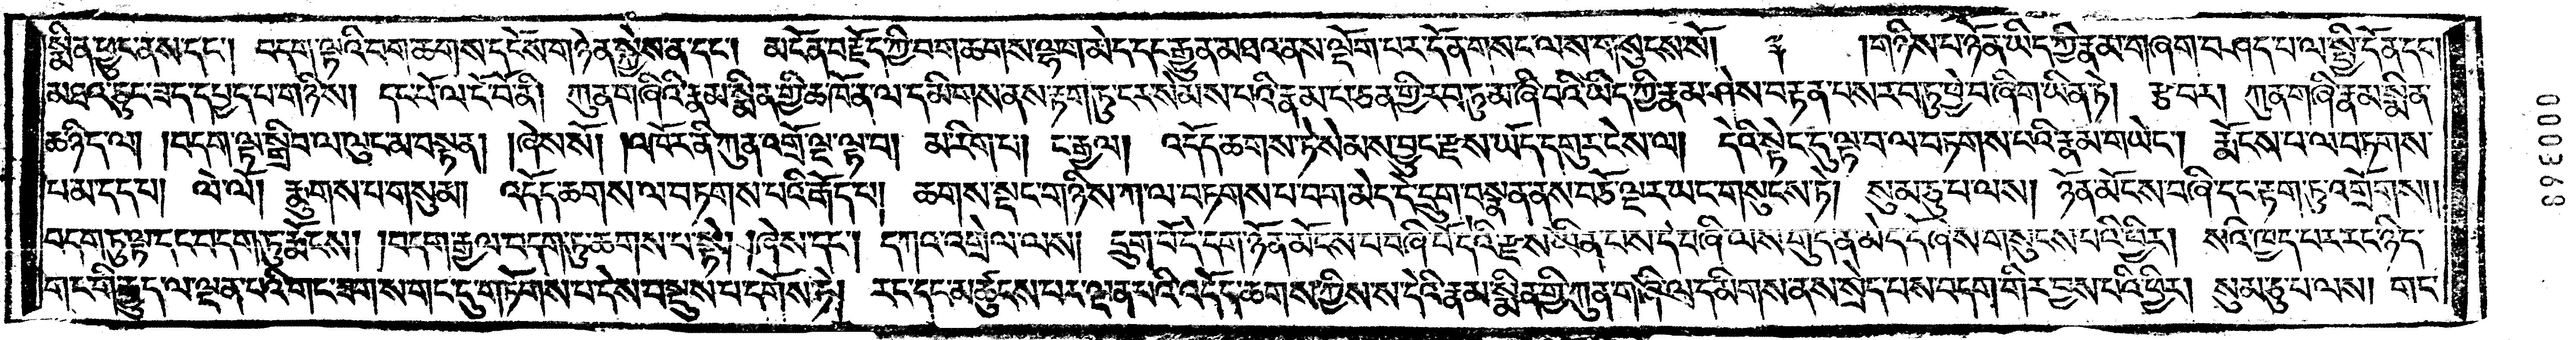སྨིན་ཕྱུང་ནས་དང་། བདག་ལྟའི་བག་ཆགས་དངོས་གཉེན་སྐྱེས་ན་དང་། མངོན་བརྗོད་ཀྱི་བག་ཆགས་ལྷག་མེད་དང་རྒྱུན་མཐའ་ནས་ལྡོག་པར་དོན་གསང་ལས་གསུངས་སོ། ༈ །གཉིས་པ་ཉོན་ཡིད་ཀྱི་རྣམ་གཞག་བཤད་པ་ལ་སྤྱི་དོན་དང་།
མཐའ་ཅུང་ཟད་དཔྱད་པ་གཉིས། དང་པོ་ལ་ངོ་བོ་ནི། ཀུན་གཞིའི་རྣམ་སྨིན་གྱི་ཆ་ཁོ་ན་ལ་དམིགས་ནས་རྟག་ཏུ་ངར་སེམས་པའི་རྣམ་པ་ཅན་གྱི་རབ་ཏུ་མ་ཞི་བའི་ཡིད་ཀྱི་རྣམ་ཤེས་བརྟན་པས་རབ་ཏུ་ཕྱེ་བ་ཞིག་ཡིན་ཏེ། རྩ་བར། ཀུན་གཞི་རྣམ་སྨིན་
ཆ་ཉིད་ལ། །བདག་ལྟ་སྒྲིབ་ལ་ལུང་མ་བསྟན། །ཞེས་སོ། །འཁོར་ནི་ཀུན་འགྲོ་ལྔ་ལྟ་བ། མ་རིག་པ། ང་རྒྱལ། འདོད་ཆགས་ཏེ་སེམས་བྱུང་རྫས་ཡོད་དགུར་ངེས་ལ། དེའི་སྟེང་དུ་ལྟ་བ་ལ་བཏགས་པའི་རྣམ་གཡེང་། རྨོངས་པ་ལ་བཏགས་
པ་མ་དད་པ། ལེ་ལོ། རྨུགས་པ་གསུམ། འདོད་ཆགས་ལ་བཏགས་པའི་རྒོད་པ། ཆགས་སྡང་གཉིས་ཀ་ལ་བཏགས་པ་བག་མེད་དེ་དྲུག་བསྣན་ནས་བཅོ་ལྔར་ཡང་གསུངས་ཏེ། སུམ་ཅུ་པ་ལས། ཉོན་མོངས་བཞི་དང་རྟག་ཏུ་འགྲོགས།
བདག་ཏུ་ལྟ་དང་བདག་ཏུ་རྨོངས། །བདག་རྒྱལ་བདག་ཏུ་ཆགས་པ་སྟེ། །ཞེས་དང་། དཀའ་འགྲེལ་ལས། དྲུག་པོ་དེ་དག་ཉོན་མོངས་པ་བཞི་པོ་དེའི་རྫས་ཡིན་པས་དེ་བཞི་ལས་གུད་ན་མེད་དོ་ཞེས་གསུངས་པའི་ཕྱིར། སའི་ཁྱད་པར་རང་ཉིད་
གང་གི་རྒྱུད་ལ་ལྡན་པའི་གང་ཟག་ས་གང་དུ་གཏོགས་པ་དེས་བསྡུས་པ་དགོས་ཏེ། རང་དང་མཚུངས་པར་ལྡན་པའི་འདོད་ཆགས་ཀྱིས་ས་དེའི་རྣམ་སྨིན་གྱི་ཀུན་གཞི་ལ་དམིགས་ནས་སྲེད་པས་བདག་གིར་བྱས་པའི་ཕྱིར། སུམ་ཅུ་པ་ལས། གང་